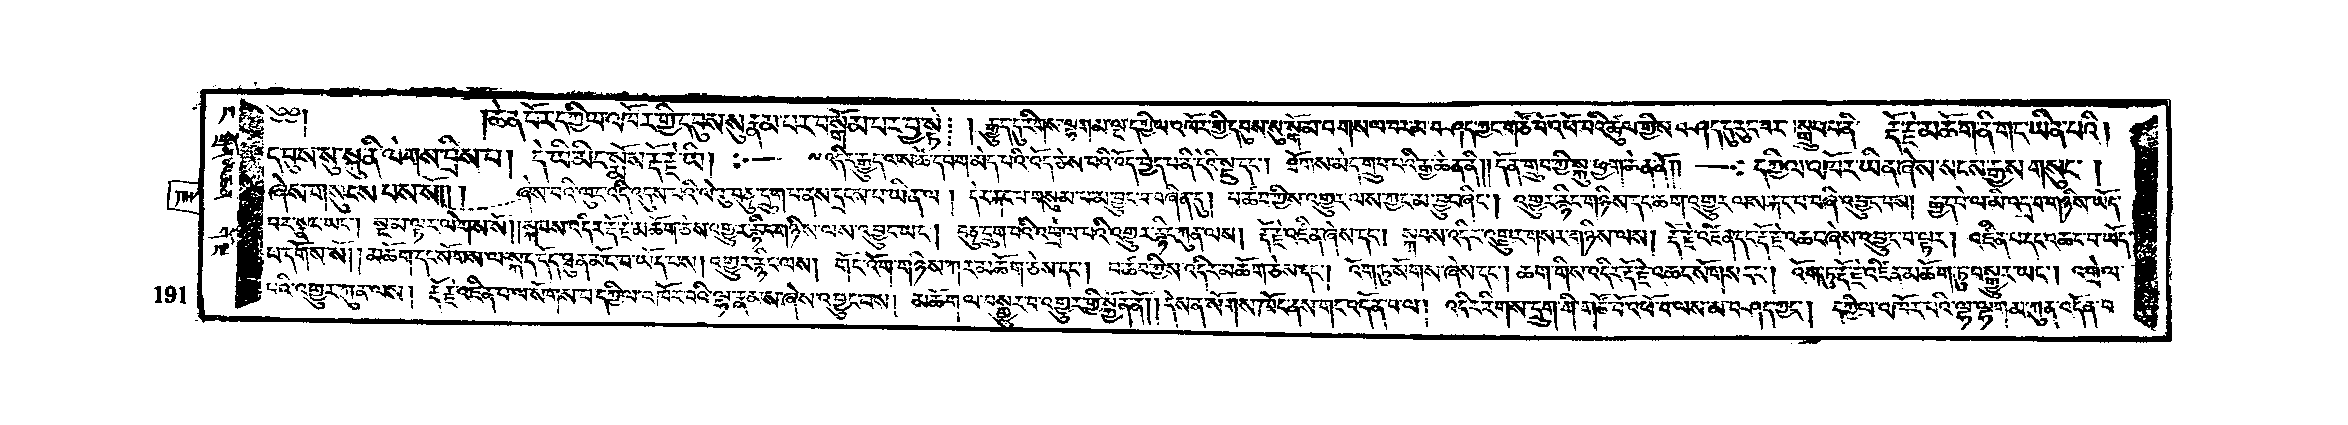༄༅། །ཆེན་པོར་དཀྱིལ་འཁོར་གྱི་དབུས་སུ་རྣམ་པར་བསྒོམ་པར་བྱ་སྟེ། །རྒྱུད་དུ་རིགས་ལྷག་མ་ལྔ་དཀྱིལ་འཁོར་གྱི་དབུས་སུ་སྒོམ་པ་གསལ་བར་མ་བཤད་ཀྱང་གཙོ་བོ་འཕོ་བའི་ཚུལ་གྱིས་བཤད་དུ་རུང་བར་བསྒྲུབ་པ་ནི་རྡོ་རྗེ་མཆོག་ནི་གང་ཡིན་པའི།
དབུས་སུ་སྐུ་ནི་ལེགས་བྲིས་པ། དེ་ཡི་མིང་སྨོས་རྡོ་རྗེ་ཡི། ༧འདིར་རྒྱུད་ལས་ཚེ་དཔག་མེད་པའི་འོད་ཅེས་པའི་འོད་བྱེད་པ་ནི་དེའི་སྐུ་དང་། ཐོགས་མེད་གྲུབ་པའི་རྒྱ་ཆེན་ནི། །དོན་གྲུབ་ཀྱི་སྐུ་ཕྱག་ཆེན་ནོ།།  དཀྱིལ་འཁོར་ཡིན་ཞེས་སངས་རྒྱས་གསུང་།
ཞེས་གསུངས་པས་སོ། ། ཞེས་པའི་ལུང་འདི་འདུས་པའི་ལེའུ་བཅུ་དྲུག་པ་ནས་དྲངས་པ་ཡིན་ལ། དེར་རྐང་པ་གསུམ་པ་མ་བྱུང་བ་བཞིན་དུ། པ་ཚབ་ཀྱིས་འགྱུར་ལས་ཀྱང་མ་བྱུང་ཞིང་། འགྱུར་རྙིང་གཉིས་དང་ཆག་འགྱུར་ལས་རྐང་པ་བཞི་འབྱུང་བས། རྒྱ་དཔེ་ལ་མི་འདྲ་བ་གཉིས་ཡོད་
བར་སྣང་ཡང་། སྔ་མ་ལྟར་ལེགས་སོ། །སྐབས་འདིར་རྡོ་རྗེ་མཆོག་ཅེས་འགྱུར་རྙིང་གཉིས་ལས་འབྱུང་ཡང་། བཅུ་དྲུག་པའི་འགྲེལ་བའི་འགྱུར་རྙིང་ཀུན་ལས། རྡོ་རྗེ་འཛིན་ཞེས་དང་། སྐབས་འདིར་འགྱུར་གསར་གཉིས་ལས། རྡོ་རྗེ་འཛིན་དང་རྡོ་རྗེ་འཆང་ཞེས་འབྱུང་བ་ལྟར། འཛིན་པ་དང་འཆང་བ་ཡོད་
པ་དོགས་སོ། །མཆོག་དང་སོགས་ལ་སྐད་དོད་ཐུན་མོང་བ་ཡོད་པས། འགྱུར་རྙིང་ལས། གོང་འོག་གཉིས་ཀར་མཆོག་ཅེས་དང་། པ་ཚབ་ཀྱིས་འདིར་མཆོག་ཅེས་དང་། འོག་ཏུ་སོགས་ཞེས་དང་། ཆག་གིས་འདིར་རྡོ་རྗེ་འཆང་སོགས་དང་། འོག་ཏུ་རྡོ་རྗེ་འཛིན་མཆོག་ཏུ་བསྒྱུར་ཡང་། འགྲེལ་
པའི་འགྱུར་ཀུན་ལས། རྡོ་རྗེ་འཛིན་པ་ལ་སོགས་པ་དཀྱིལ་འཁོར་བའི་ལྷ་རྣམས་ཞེས་འབྱུང་བས། མཆོག་ལ་བསྒྱུར་བ་འགྱུར་གྱི་སྐྱོན་ནོ། །དེས་ན་སོགས་ཁོང་ནས་གང་འདོན་པ་ལ། འདིར་རིགས་དྲུག་གི་གཙོ་བོ་འཕོ་བ་ལས་མ་བཤད་ཀྱང་། དཀྱིལ་འཁོར་པའི་ལྷ་ལྷག་མ་ཀུན་འདོན་པ་